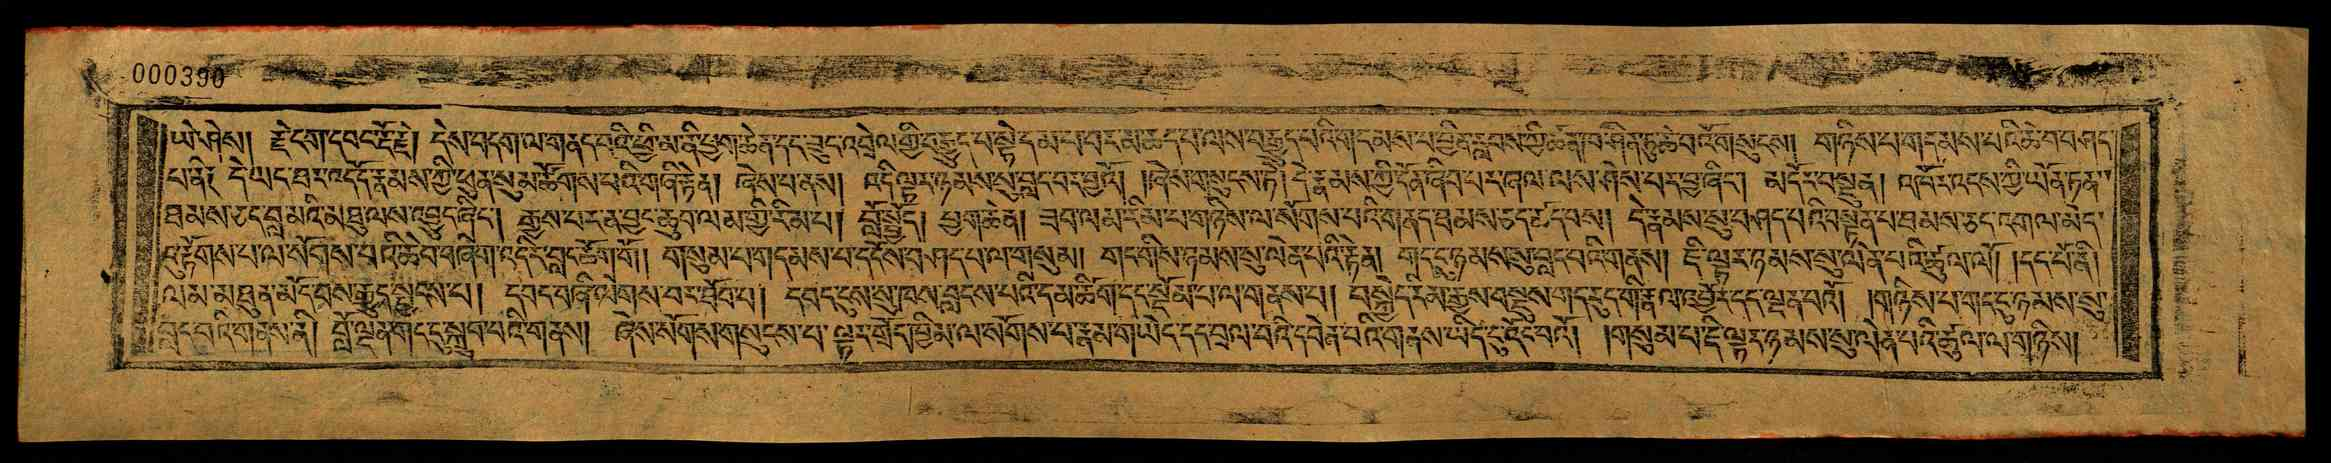ཡེ་ཤེས། རྗེ་ངག་དབང་རྡོ་རྗེ། དེས་བདག་ལ་གནང་བའི་ཕྱི་མ་ནི་ཕྱག་ཆེན་དང་ཟུང་འབྲེལ་གྱི་བརྒྱུད་པ་སྟེ་དམ་པ་བར་མ་ཆད་པ་ལས་བརྒྱུད་པའི་གདོམས་པ་བྱིན་རླབས་ཀྱི་ཚན་ཁ་ཤིན་ཏུ་ཆེ་བའོ་གསུངས། གཉིས་པ་གདམས་པའི་ཆེ་བ་བཤད་
པ་ནི༑ དེ་ཡང་ཐར་འདོད་རྣམས་ཀྱི་ཕུན་སུམ་ཚོགས་པའི་གཞི་རྟེན། ཞེས་པ་ནས། འདི་ལྟར་ཉམས་སུ་བླང་བར་བྱའོ། །ཞེས་གསུངས་ཏེ། དེ་རྣམས་ཀྱི་དོན་ཞིབ་པར་ཞལ་ལས་ཤེས་པར་བྱ་ཞིང་། མདོར་བསྡུ་ན། འཁོར་འདས་ཀྱི་ཡོན་ཏན་
ཐམས་ཅད་བླ་མའི་མཐུ་ལས་འབྱུང་ཞིང་། རྒྱས་པར་ན་བྱང་ཆུབ་ལམ་གྱི་རིམ་པ། བློ་སྦྱོང་། ཕྱག་ཆེན། ཟབ་ལམ་རིམ་པ་གཉིས་ལ་སོགས་པའི་གནད་ཐམས་ཅད་ཚང་བས། དེ་རྣམས་སུ་བཤད་པའི་བསྟན་པ་ཐམས་ཅད་འགལ་མེད་
དུ་རྟོགས་པ་ལ་སོགས་པའི་ཆེ་བ་བཞི་ག་འདིར་བླང་ཆོག་གོ། གསུམ་པ་གདམས་པ་དངོས་བཤད་པ་ལ་གསུམ། གང་གིས་ཉམས་སུ་ལེན་པའི་རྟེན། གང་དུ་ཉམས་སུ་བླང་བའི་གནས། ཇི་ལྟར་ཉམས་སུ་ལེན་པའི་ཚུལ་ལོ། །དང་པོ་ནི།
ལམ་མཐུན་མོང་བས་རྒྱུད་སྦྱངས་པ། དབང་བཞི་ལེགས་པར་ཐོབ་པ། དབང་དུས་སུ་ཁས་བླངས་པའི་དམ་ཚིག་དང་སྡོམ་པ་ལ་གནས་པ། བསྐྱེད་རིམ་རྒྱས་བསྡུས་གང་རུང་གི་རྣལ་འབྱོར་དང་ལྡན་པའོ། །གཉིས་པ་གང་དུ་ཉམས་སུ་
བླང་བའི་གནས་ནི། བློ་ལྡན་གང་དུ་སྒྲུབ་པའི་གནས། ཞེས་སོགས་གསུངས་པ་ལྟར་གྲོང་ཁྱིམ་ལ་སོགས་པ་རྣམ་གཡེང་དང་བྲལ་བའི་དབེན་པའི་གནས་ཡིད་དུ་འོང་བའོ། །གསུམ་པ་ཇི་ལྟར་ཉམས་སུ་ལེན་པའི་ཚུལ་ལ་གཉིས།